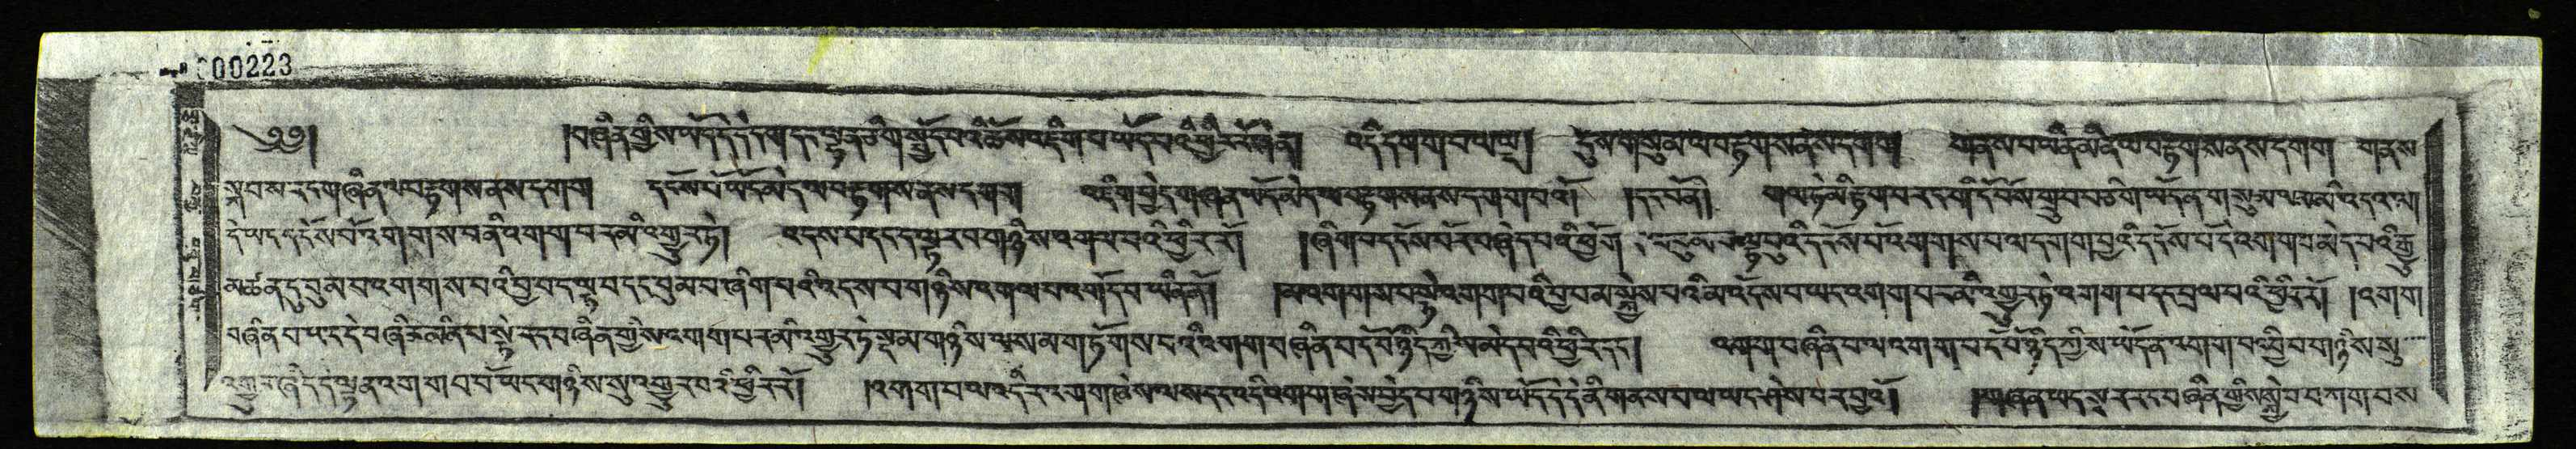༄༅། །བཞིན་གྱིས་ཡོད་དེ་དེ་དག་དང་ལྷན་ཅིག་སྤྱོད་པའི་ཆོས་འཇིག་པ་ཡོད་པའི་ཕྱིར་རོ་ཞེ་ན། འདི་དགག་པ་ལ་ལྔ། དུས་གསུམ་ལ་བརྟགས་ནས་དགག་གནས་པ་ཡིན་མིན་ལ་བརྟགས་ནས་དགག་གནས་
སྐབས་རང་གཞིན་ལ་བརྟགས་ནས་དགག་དངོས་པོ་ཡོད་མེད་ལ་བརྟགས་ནས་དགག་འཇིག་བྱེད་གཞན་ཡོད་མེད་ལ་བརྟགས་ནས་དགག་པའོ། །དང་པོ་ནི། གལ་ཏེ་མི་རྟག་པ་རང་གི་ངོ་བོས་གྲུབ་པ་ཅིག་ཡོད་ན་གསུམ་ལམ་མི་འདའ་ལ།
དེ་ཡང་དངོས་པོ་འགགས་བ་ནི་འགག་པར་མི་འགྱུར་ཏེ། འདས་པ་དང་ད་ལྟར་བ་གཉིས་འགལ་བའི་ཕྱིར་རོ། །ཞིག་པ་དངོས་པོར་བཞེད་པའི་ཕྱོགས་ལ་བུམ་པ་ལྟ་བུའི་དངོས་པོ་འགགས་པ་ལ་དགག་བྱའི་དངོས་པོ་དེ་འགག་པ་མེད་པའི་རྒྱུ་
མཚན་དུ་བུམ་པ་འགགས་པའི་བྱ་བ་ད་ལྟ་བ་དང་བུམ་པ་ཞིག་པའི་འདས་པ་གཉིས་འགལ་བ་འགོད་བ་ཡིན་ནོ། །མ་འགགས་པ་སྟེ་འགག་པའི་བྱ་བ་མ་སྐྱེས་པའི་མ་འོངས་པ་ཡང་འགག་པར་མི་འགྱུར་ཏེ་འགག་པ་དང་བྲལ་བའི་ཕྱིར་རོ། །འགག་
བཞིན་བ་ཡང་དེ་བཞིན་མིན་པ་སྟེ་རང་བཞིན་གྱིས་འགག་པར་མི་འགྱུར་ཏེ་སྔ་མ་གཉིས་ལས་མ་གཏོགས་པའི་འགག་བཞིན་བ་ངོ་བོ་ཉིད་ཀྱིས་མེད་པའི་ཕྱིར་དང་། འགག་བཞིན་པ་ལ་འགག་པ་ངོ་བོ་ཉིད་ཀྱིས་ཡོད་ན་འགག་པའི་བྱ་བ་གཉིས་སུ་
འགྱུར་ཞིང་དེ་ལྟན་འགག་པ་པོ་ཡང་གཉིས་སུ་འགྱུར་བའི་ཕྱིར་རོ། །འགག་པ་ལ་འདིར་འགག་ཞེས་ལས་དང་འདི་འགག་ཞེས་བྱེད་པ་གཉིས་ཡོད་དེ་དེ་ནི་གནས་པ་ལ་ཡང་ཤེས་བར་བྱའོ། །གཞན་ཡང་སྔར་རང་བཞིན་གྱིས་སྐྱེ་བ་བཀག་བས་